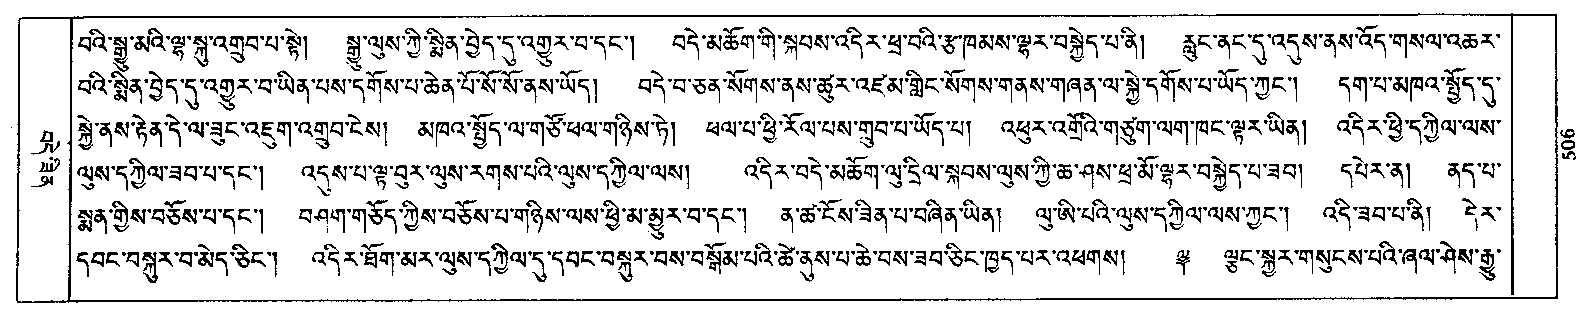བའི་སྒྱུ་མའི་ལྷ་སྐུ་འགྲུབ་པ་སྟེ། སྒྱུ་ལུས་ཀྱི་སྨིན་བྱེད་དུ་འགྱུར་བ་དང་། བདེ་མཆོག་གི་སྐབས་འདིར་ཕྲ་བའི་རྩ་ཁམས་ལྷར་བསྐྱེད་པ་ནི། རླུང་ནང་དུ་འདུས་ནས་འོད་གསལ་འཆར་
བའི་སྨིན་བྱེད་དུ་འགྱུར་བ་ཡིན་པས་དགོས་པ་ཆེན་པོ་སོ་སོ་ནས་ཡོད། བདེ་བ་ཅན་སོགས་ནས་ཚུར་འཛམ་གླིང་སོགས་གནས་གཞན་ལ་སྐྱེ་དགོས་པ་ཡོད་ཀྱང་། དག་པ་མཁའ་སྤྱོད་དུ་
སྐྱེ་ནས་རྟེན་དེ་ལ་ཟུང་འཇུག་འགྲུབ་ངེས། མཁའ་སྤྱོད་ལ་གཙོ་ཕལ་གཉིས་ཏེ། ཕལ་པ་ཕྱི་རོལ་པས་གྲུབ་པ་ཡོད་པ། འཕུར་འགྲོའི་གཙུག་ལག་ཁང་ལྟར་ཡིན། འདིར་ཕྱི་དཀྱིལ་ལས་
ལུས་དཀྱིལ་ཟབ་པ་དང་། འདུས་པ་ལྟ་བུར་ལུས་རགས་པའི་ལུས་དཀྱིལ་ལས། འདིར་བདེ་མཆོག་ལུ་དྲིལ་སྐབས་ལུས་ཀྱི་ཆ་ཤས་ཕྲ་མོ་ལྷར་བསྐྱེད་པ་ཟབ། དཔེར་ན། ནད་པ་
སྨན་གྱིས་བཅོས་པ་དང་། བཤག་གཅོད་ཀྱིས་བཅོས་པ་གཉིས་ལས་ཕྱི་མ་མྱུར་བ་དང་། ན་ཚ་ངོས་ཟིན་པ་བཞིན་ཡིན། ལུ་ཨི་པའི་ལུས་དཀྱིལ་ལས་ཀྱང་། འདི་ཟབ་པ་ནི། དེར་
དབང་བསྐུར་བ་མེད་ཅིང་། འདིར་ཐོག་མར་ལུས་དཀྱིལ་དུ་དབང་བསྐུར་བས་བསྒོམ་པའི་ཚེ་ནུས་པ་ཆེ་བས་ཟབ་ཅིང་ཁྱད་པར་འཕགས། ༈ ལྕང་སྐྱར་གསུངས་པའི་ཞལ་ཤེས་རྒྱུ་